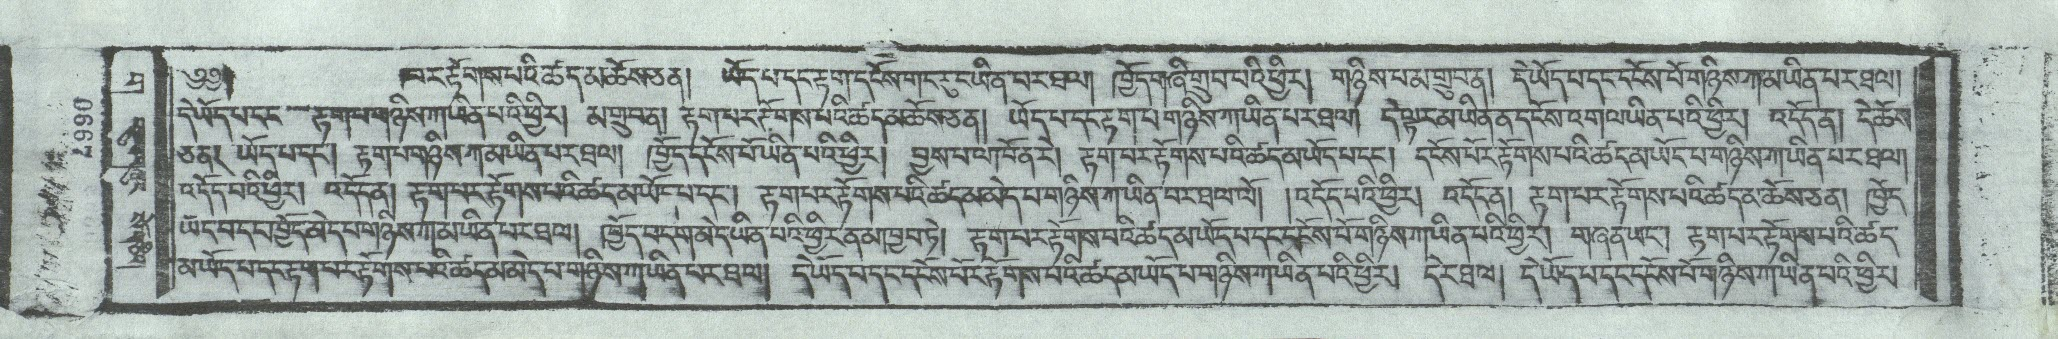༄༅། །པར་རྟོགས་པའི་ཚད་མ་ཆོས་ཅན། ཡོད་པ་དང་རྟག་དངོས་གང་རུང་ཡིན་པར་ཐལ། ཁྱོད་གཞི་གྲུབ་པའི་ཕྱིར། གཉིས་པ་མ་གྲུབ་ན། དེ་ཡོད་པ་དང་དངོས་པོ་གཉིས་ཀ་མ་ཡིན་པར་ཐལ།
དེ་ཡོད་པ་དང་རྟག་པ་གཉིས་ཀ་ཡིན་པའི་ཕྱིར། མ་གྲུབ་ན། རྟག་པར་རྟོགས་པའི་ཚད་མ་ཆོས་ཅན། ཡོད་པ་དང་རྟག་པ་གཉིས་ཀ་ཡིན་པར་ཐལ། དེ་ལྟར་མ་ཡིན་ན་དངོས་འགལ་ཡིན་པའི་ཕྱིར། འདོད་ན། དེ་ཆོས་
ཅན༑ ཡོད་པ་དང་། རྟག་པ་གཉིས་ཀ་མ་ཡིན་པར་ཐལ། ཁྱོད་དངོས་པོ་ཡིན་པའི་ཕྱིར། བྱས་པ་ལ་ཁོ་ན་རེ། རྟག་པར་རྟོགས་པའི་ཚད་མ་ཡོད་པ་དང་། དངོས་པོར་རྟོགས་པའི་ཚད་མ་ཡོང་པ་གཉིས་ཀ་ཡིན་པར་ཐལ།
འདོད་པའི་ཕྱིར། འདོད་ན། རྟག་པར་རྟོགས་པའི་ཚང་མ་ཡོད་པ་དང་། རྟག་པར་རྟོགས་པའི་ཚད་མ་མེད་པ་གཉིས་ཀ་ཡིན་པར་ཐལ་ལོ། །འདོད་པའི་ཕྱིར། འདོད་ན། རྟག་པར་རྟོགས་པའི་ཚད་མ་ཆོས་ཅན། ཁྱོད་
ཡོང་བ་དང་ཁྱོད་མེད་པ་གཉིས་ཀ་མ་ཡིན་པར་ཐལ། ཁྱོད་བདག་མེད་ཡིན་པའི་ཕྱིར་ན་མ་ཁྱབ་ཏེ། རྟག་པར་རྟོགས་པའི་ཚད་མ་ཡོད་པ་དང་དངོས་པོ་གཉིས་ཀ་ཡིན་པའི་ཕྱིར། གཞན་ཡང་། རྟག་པར་རྟོགས་པའི་ཚད་
མ་ཡོད་པ་དང་རྟག་པར་རྟོགས་པའི་ཚད་མ་མེད་པ་གཉིས་ཀ་ཡིན་པར་ཐལ། དེ་ཡོད་པ་དང་དངོས་པོར་རྟོགས་པའི་ཚད་མ་ཡོད་པ་གཉིས་ཀ་ཡིན་པའི་ཕྱིར། དེར་ཐལ། དེ་ཡོད་པ་དང་དངོས་པོ་གཉིས་ཀ་ཡིན་པའི་ཕྱིར།